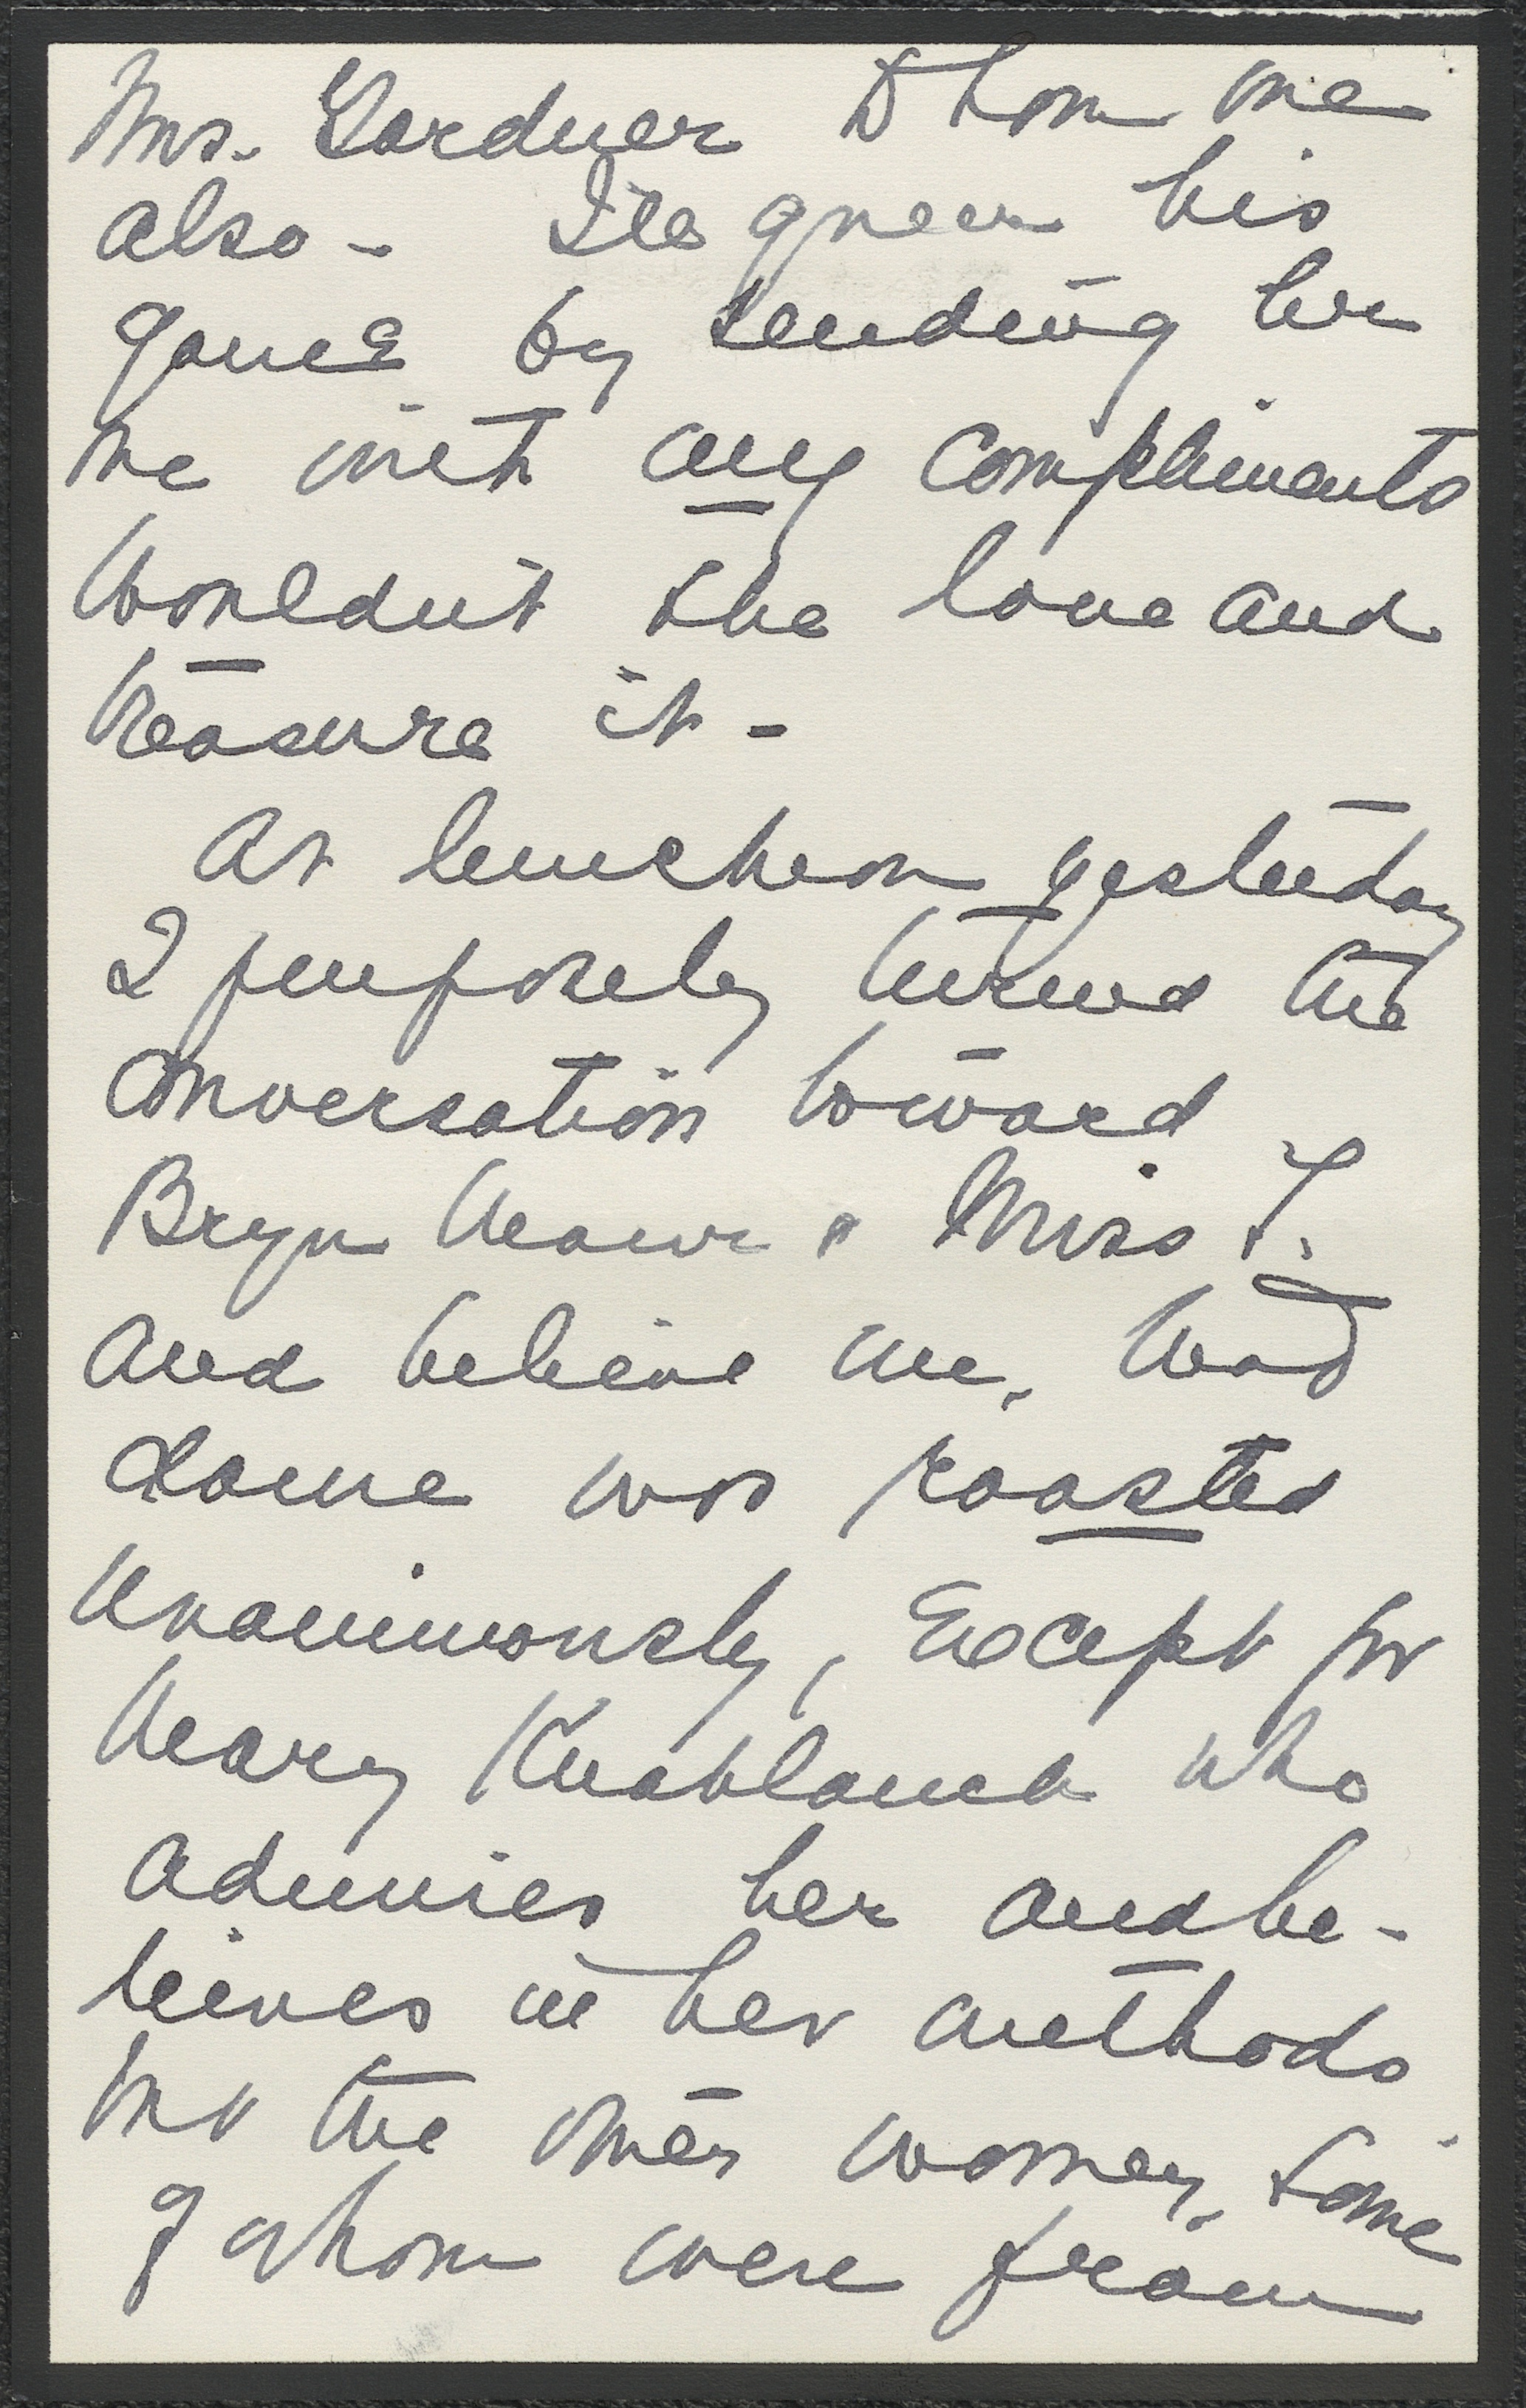Mrs. Gardner to have one also – I’ll queer his game by sending her one with my compliments
Wouldn’t she love and treasure it –
At luncheon yesterday I purposely turned the conversation toward Bryn Mawr & Miss S. and believe me, that dame was roasted unanimously, excerpt for Mary Knoblauch who admires her and believe in her methods but the other women, some of whom were from